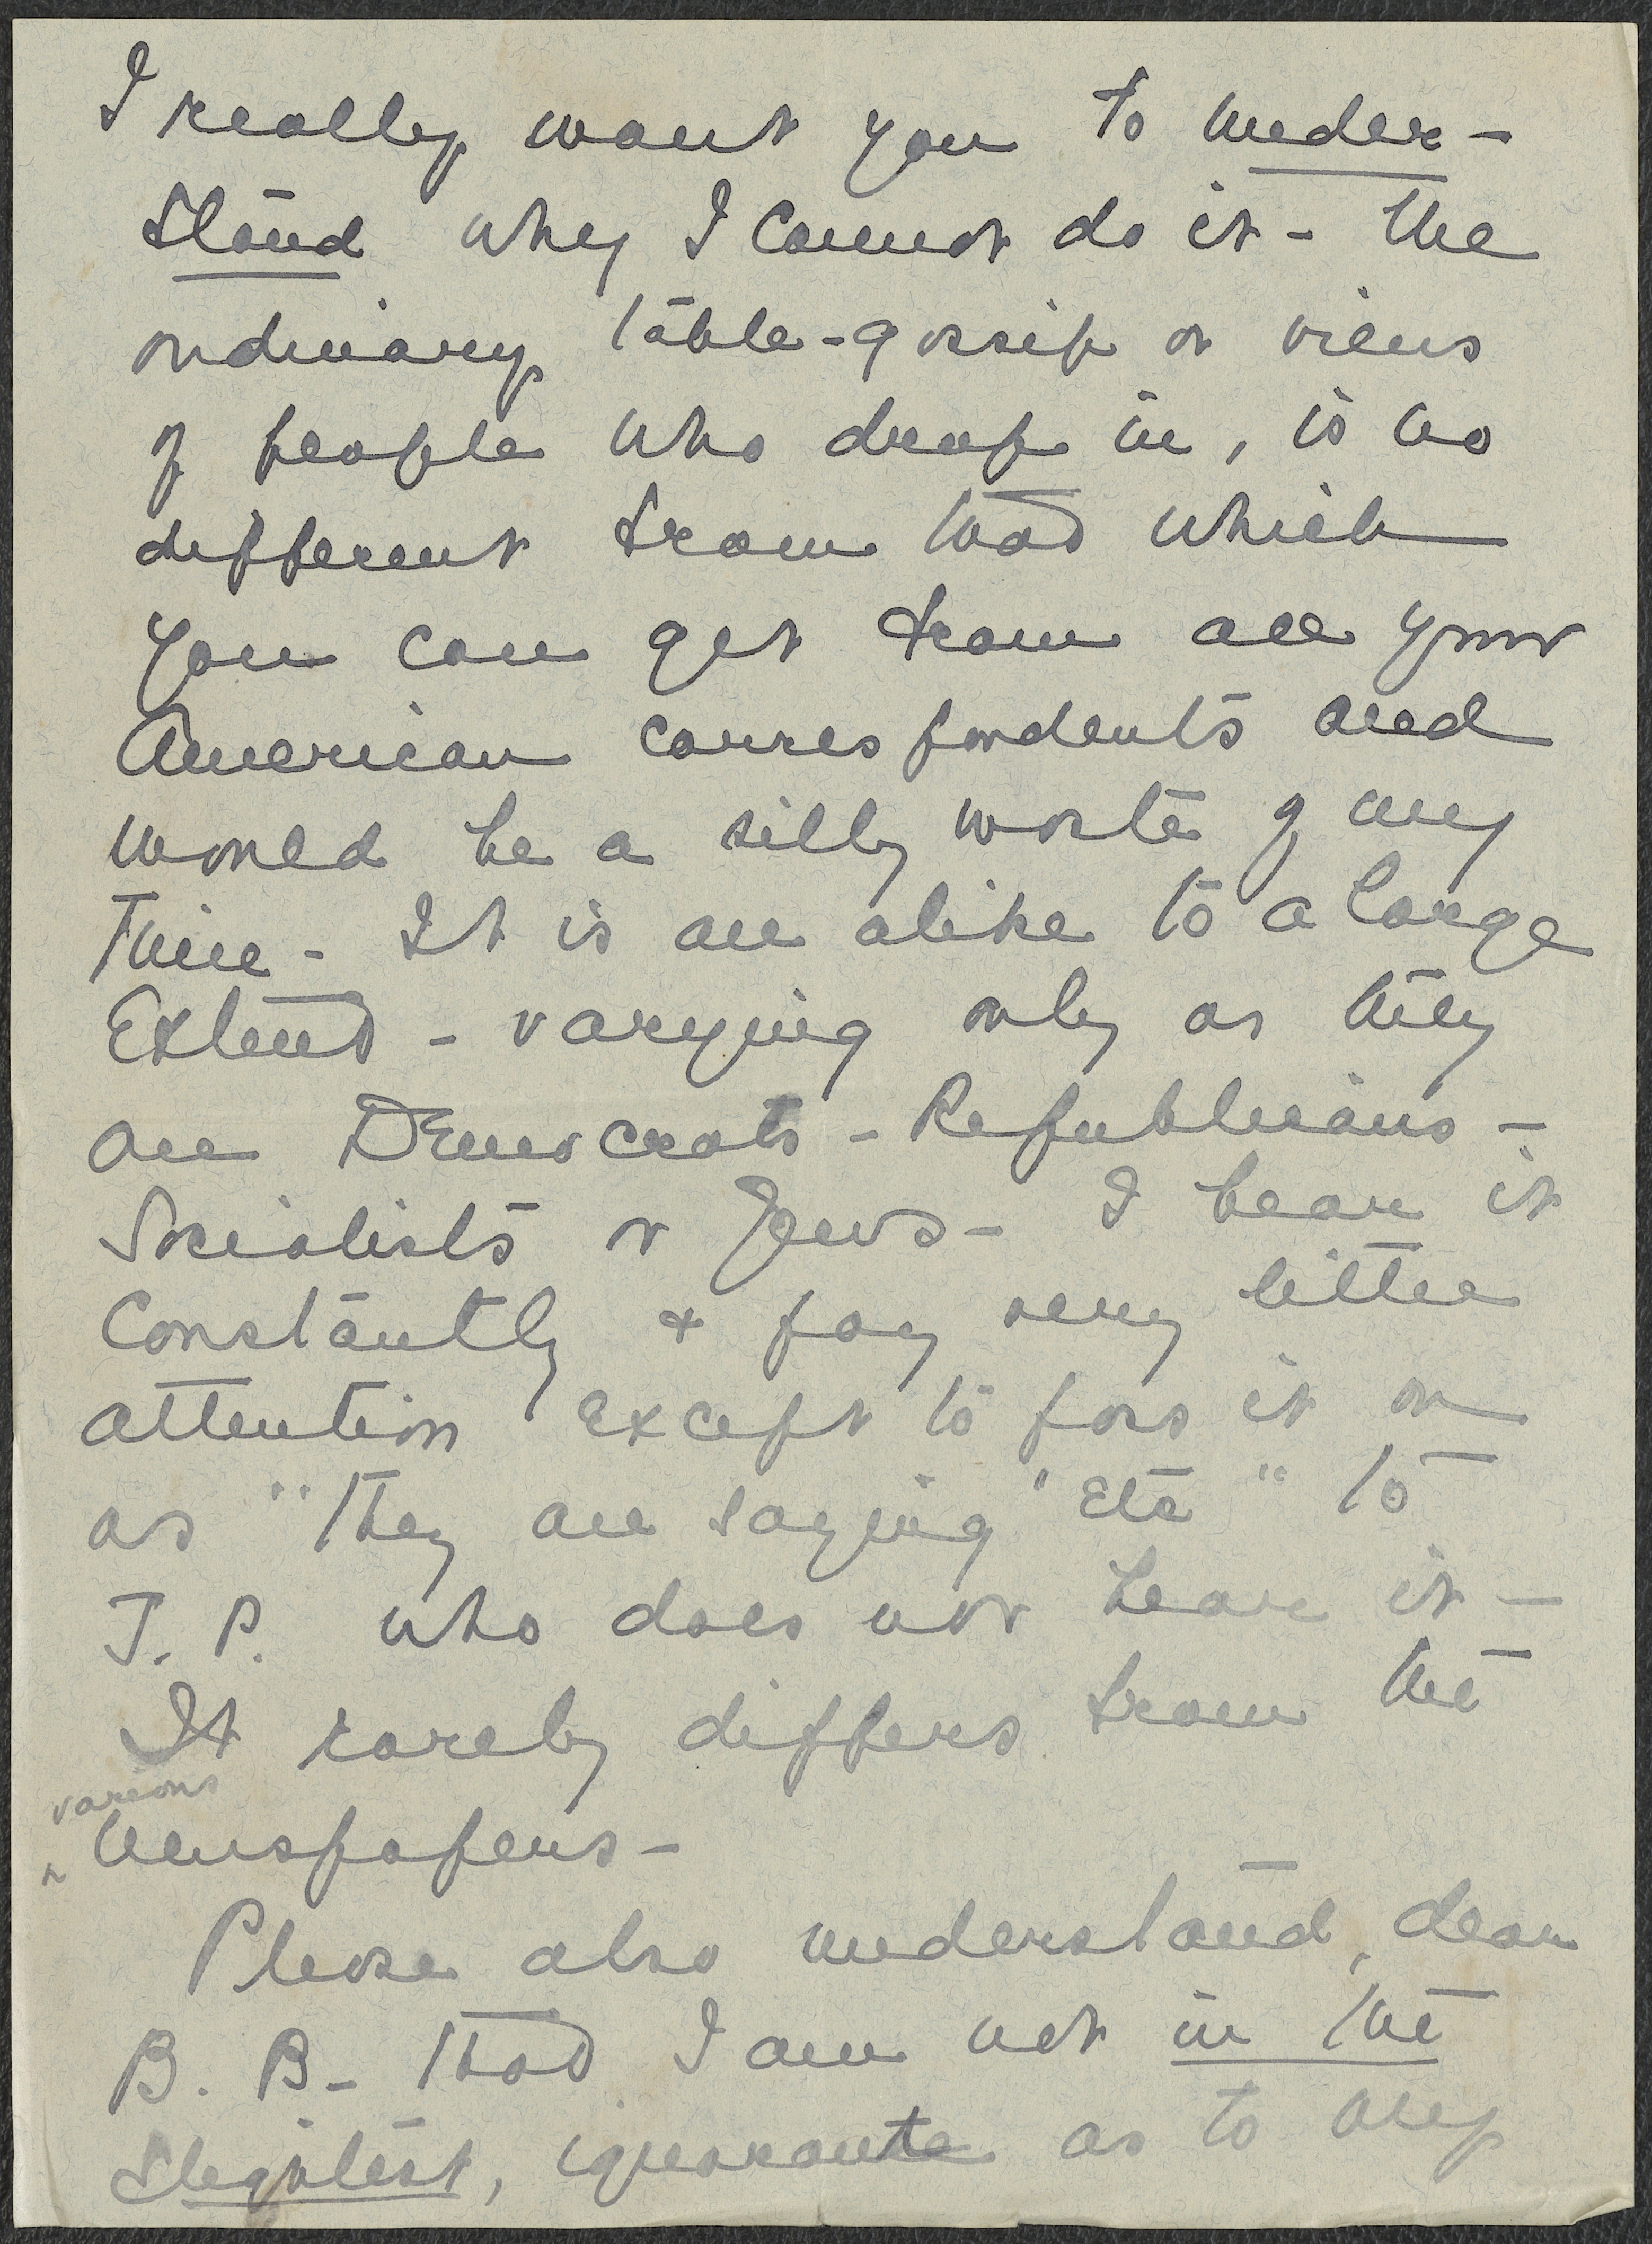I really want you to understand why I cannot do it – the ordinary table-gossip or views of people who drop in, is no different from that which you can get from all your American correspondents and would be a silly waste of my time – It is all alike to a large extent – varying only as they are Democrats – Republicans – Socialists or Jews – I hear it constantly & pay very little attention except to pass it on as “they are saying etc” to J. P. who does not hear it – It rarely differs from the [^various^] newspapers –
Please also understand dear B. B – that I am not in the slightest, ignorant as to my